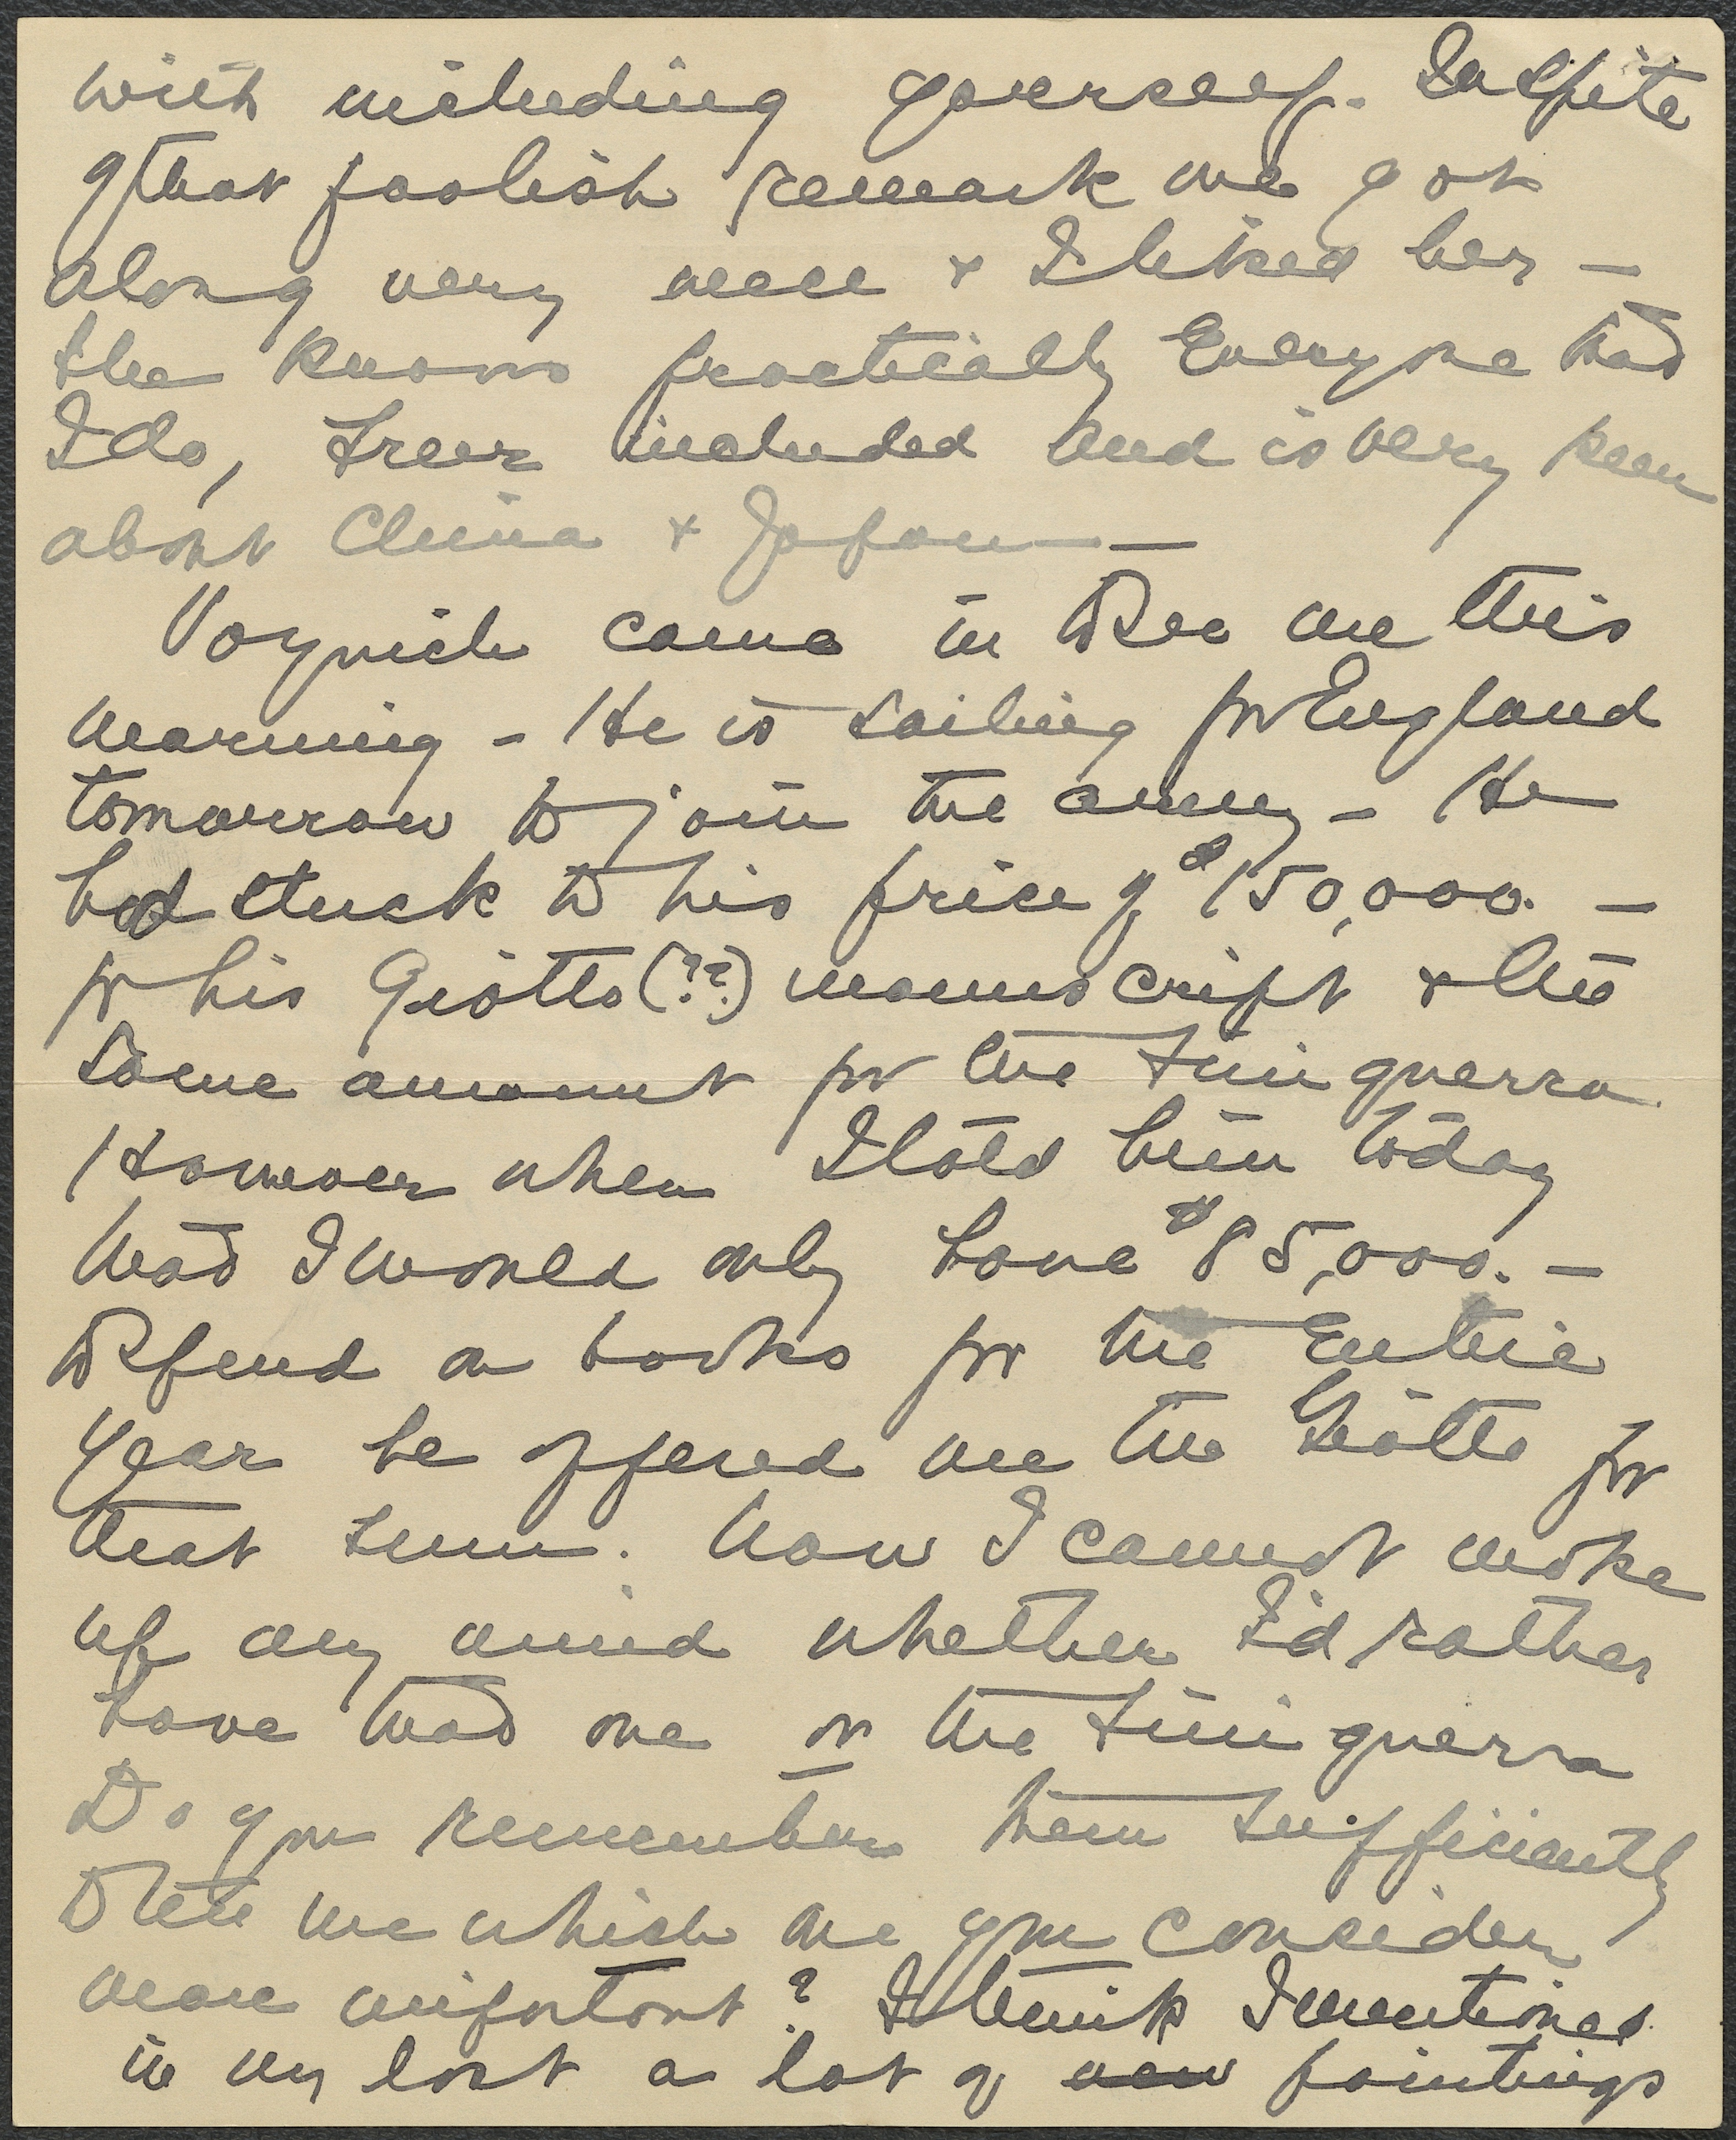with including yourself. In spite of that foolish remark we got along very well & I liked her – she knows practically everyone that I do, Freer included and is very keen about China & Japan –
Voynich came in to see me this morning – He is sailing for England tomorrow to join the army – He had stuck to his price of $150,000. – for his Giotto (??) manuscript & the same amount for the Finiguerra. However when I told him today that I would only have $85,000. – to spend on books for the entire year he offered me the Giotto for that sum. Now I cannot make up my mind whether I'd rather have that one or the Finiguerra Do you remember them sufficiently to tell me which one you consider more important? I think I mentioned in my last a lot of new paintings